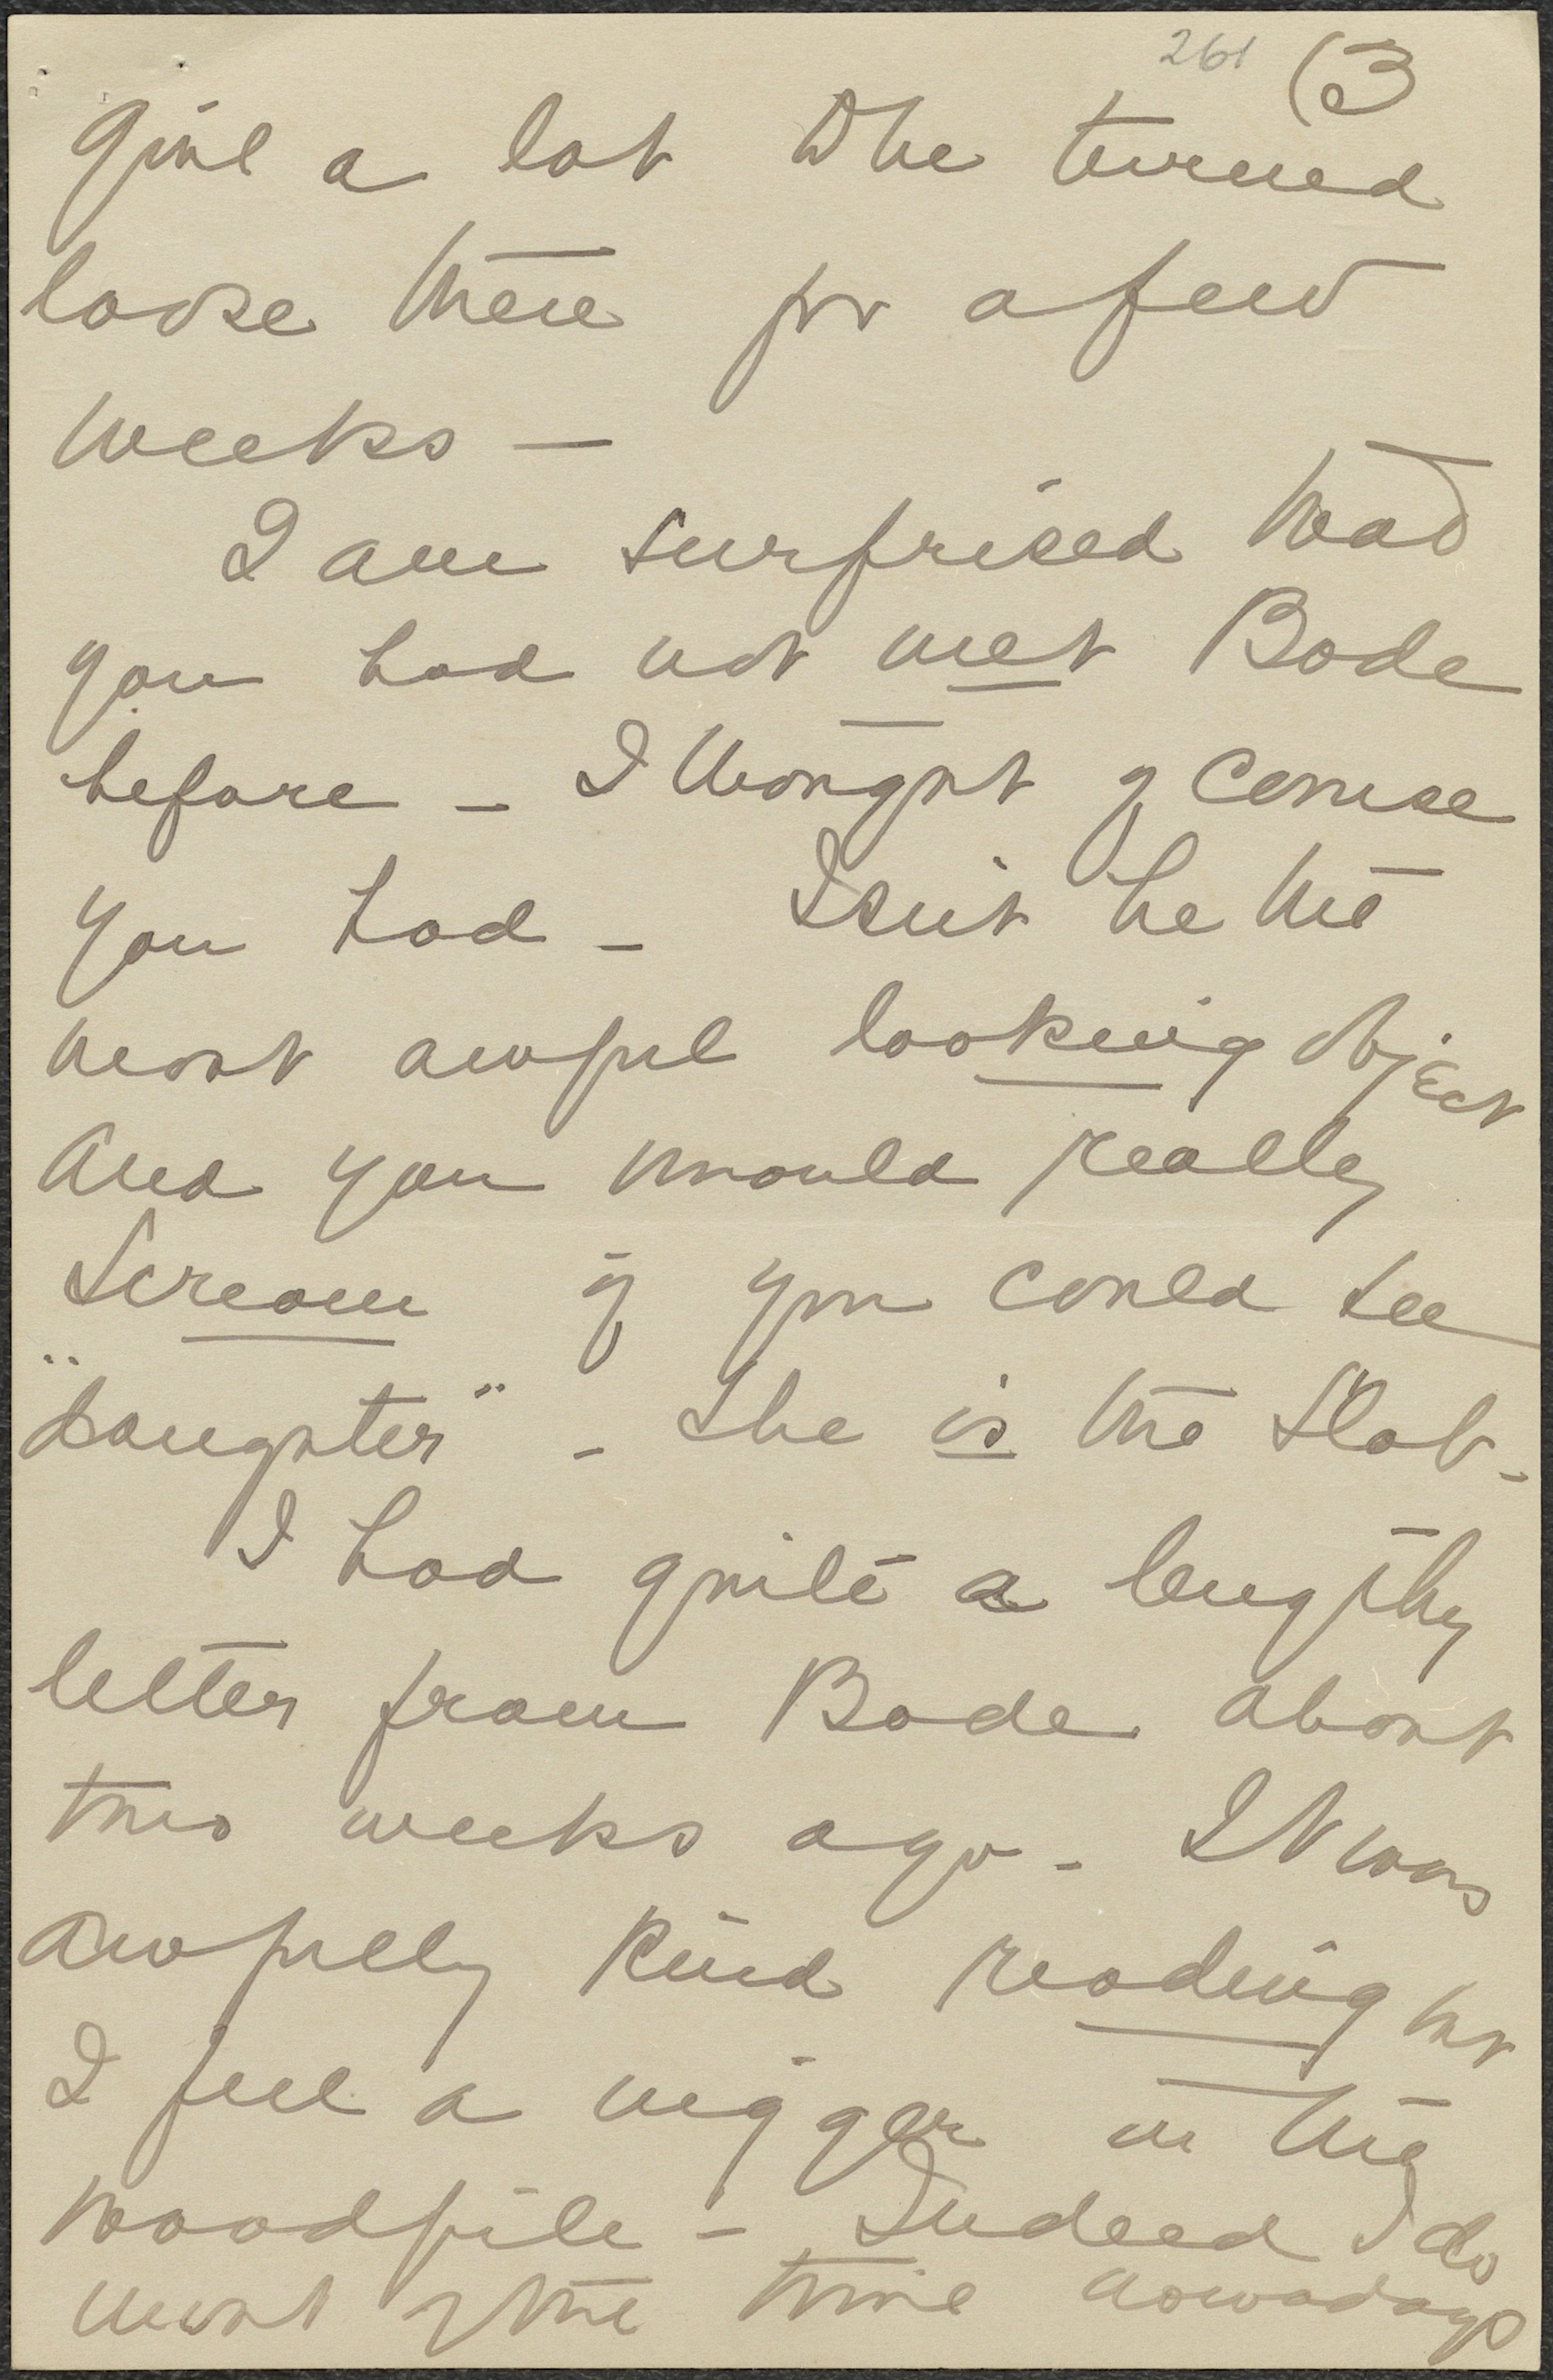(3
give a lot to be turned loose there for a few weeks –
I am surprised that you had not met Bode before – I thought of course you had – Isn’t he the most awful looking object and you would really scream if you could see “daughter” – She is the slob –
I had quite a lengthy letter from Bode about two weeks ago – It was awfully kind reading but I feel a nigger in the woodpile – Indeed I do most of the time nowadays